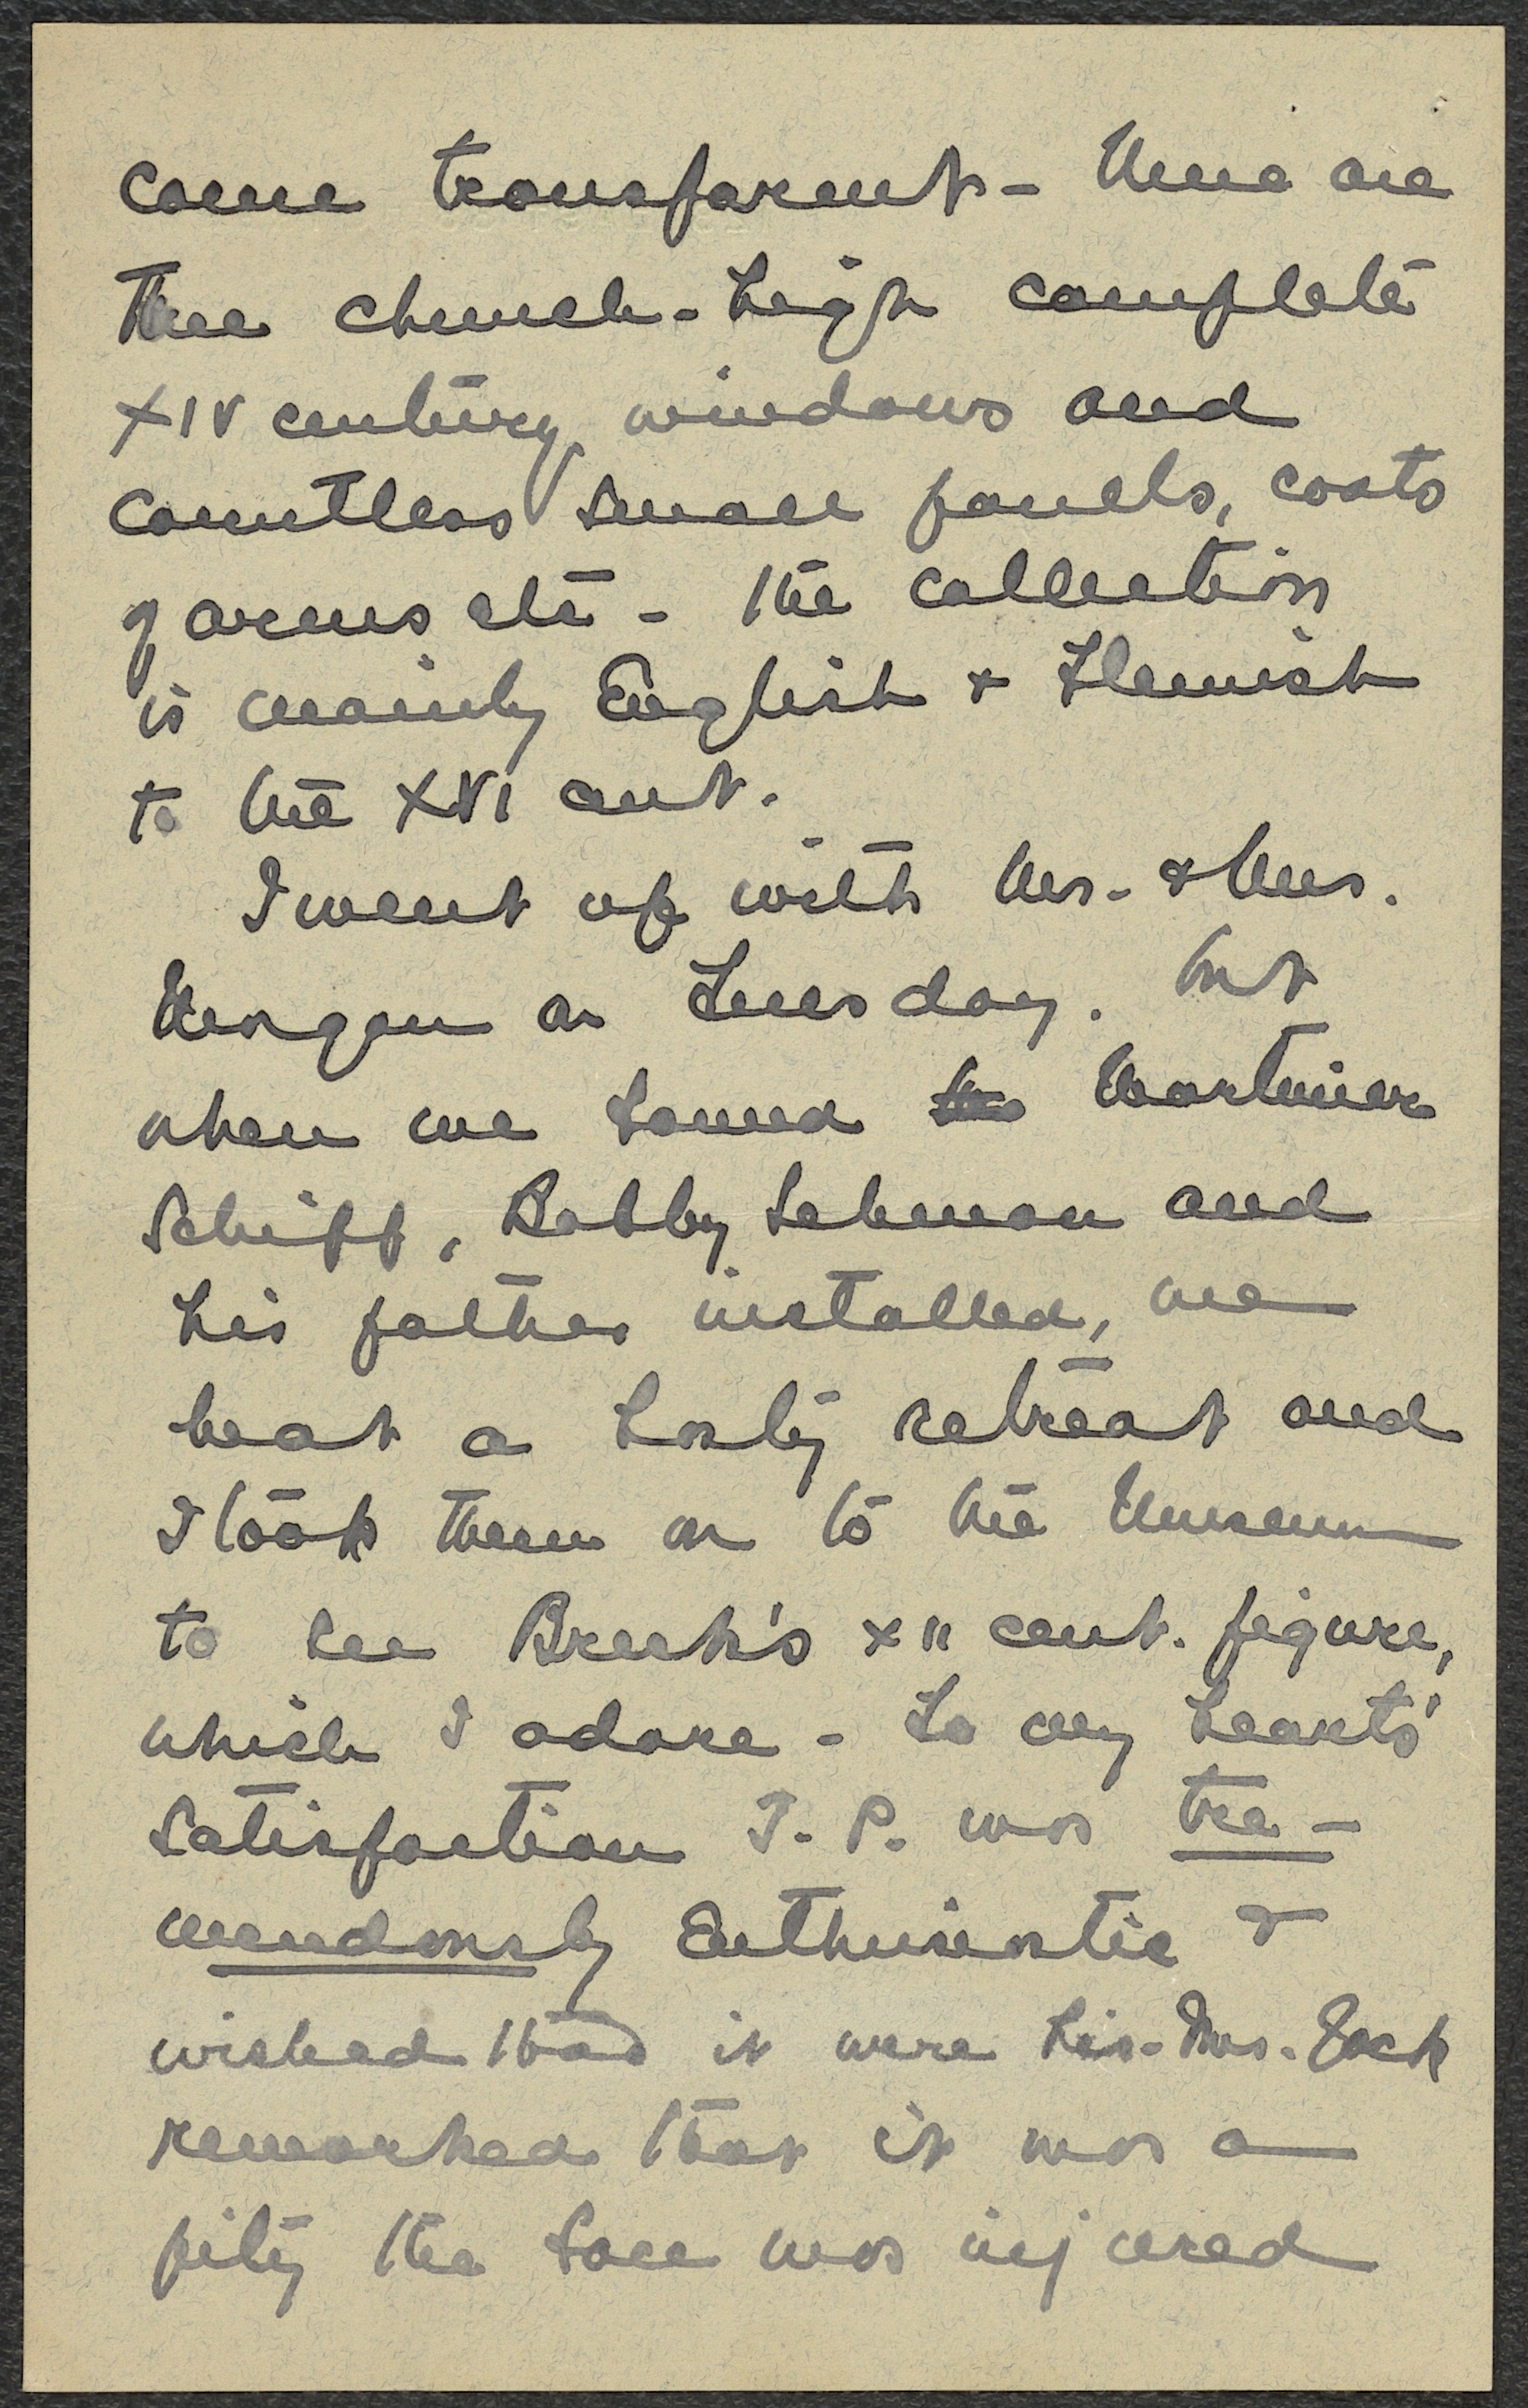transparent – There are three church-high complete XIV century windows and countless small panels, coats of arms etc – the collection is mainly English & Flemish to the XVI cent.
I went up with Mr. & Mrs. Morgan on Tuesday, but when we found M Mortimer Schiff, Bobby Lehman and his father installed, we beat a hasty retreat and I took them on to the Museum to see Breck's XII cent. figure, which I adore – To my heart's satisfaction J.P. was tremendously enthusiastic & wished it were his – Mrs. Jack remarked that it was a pity the face was injured